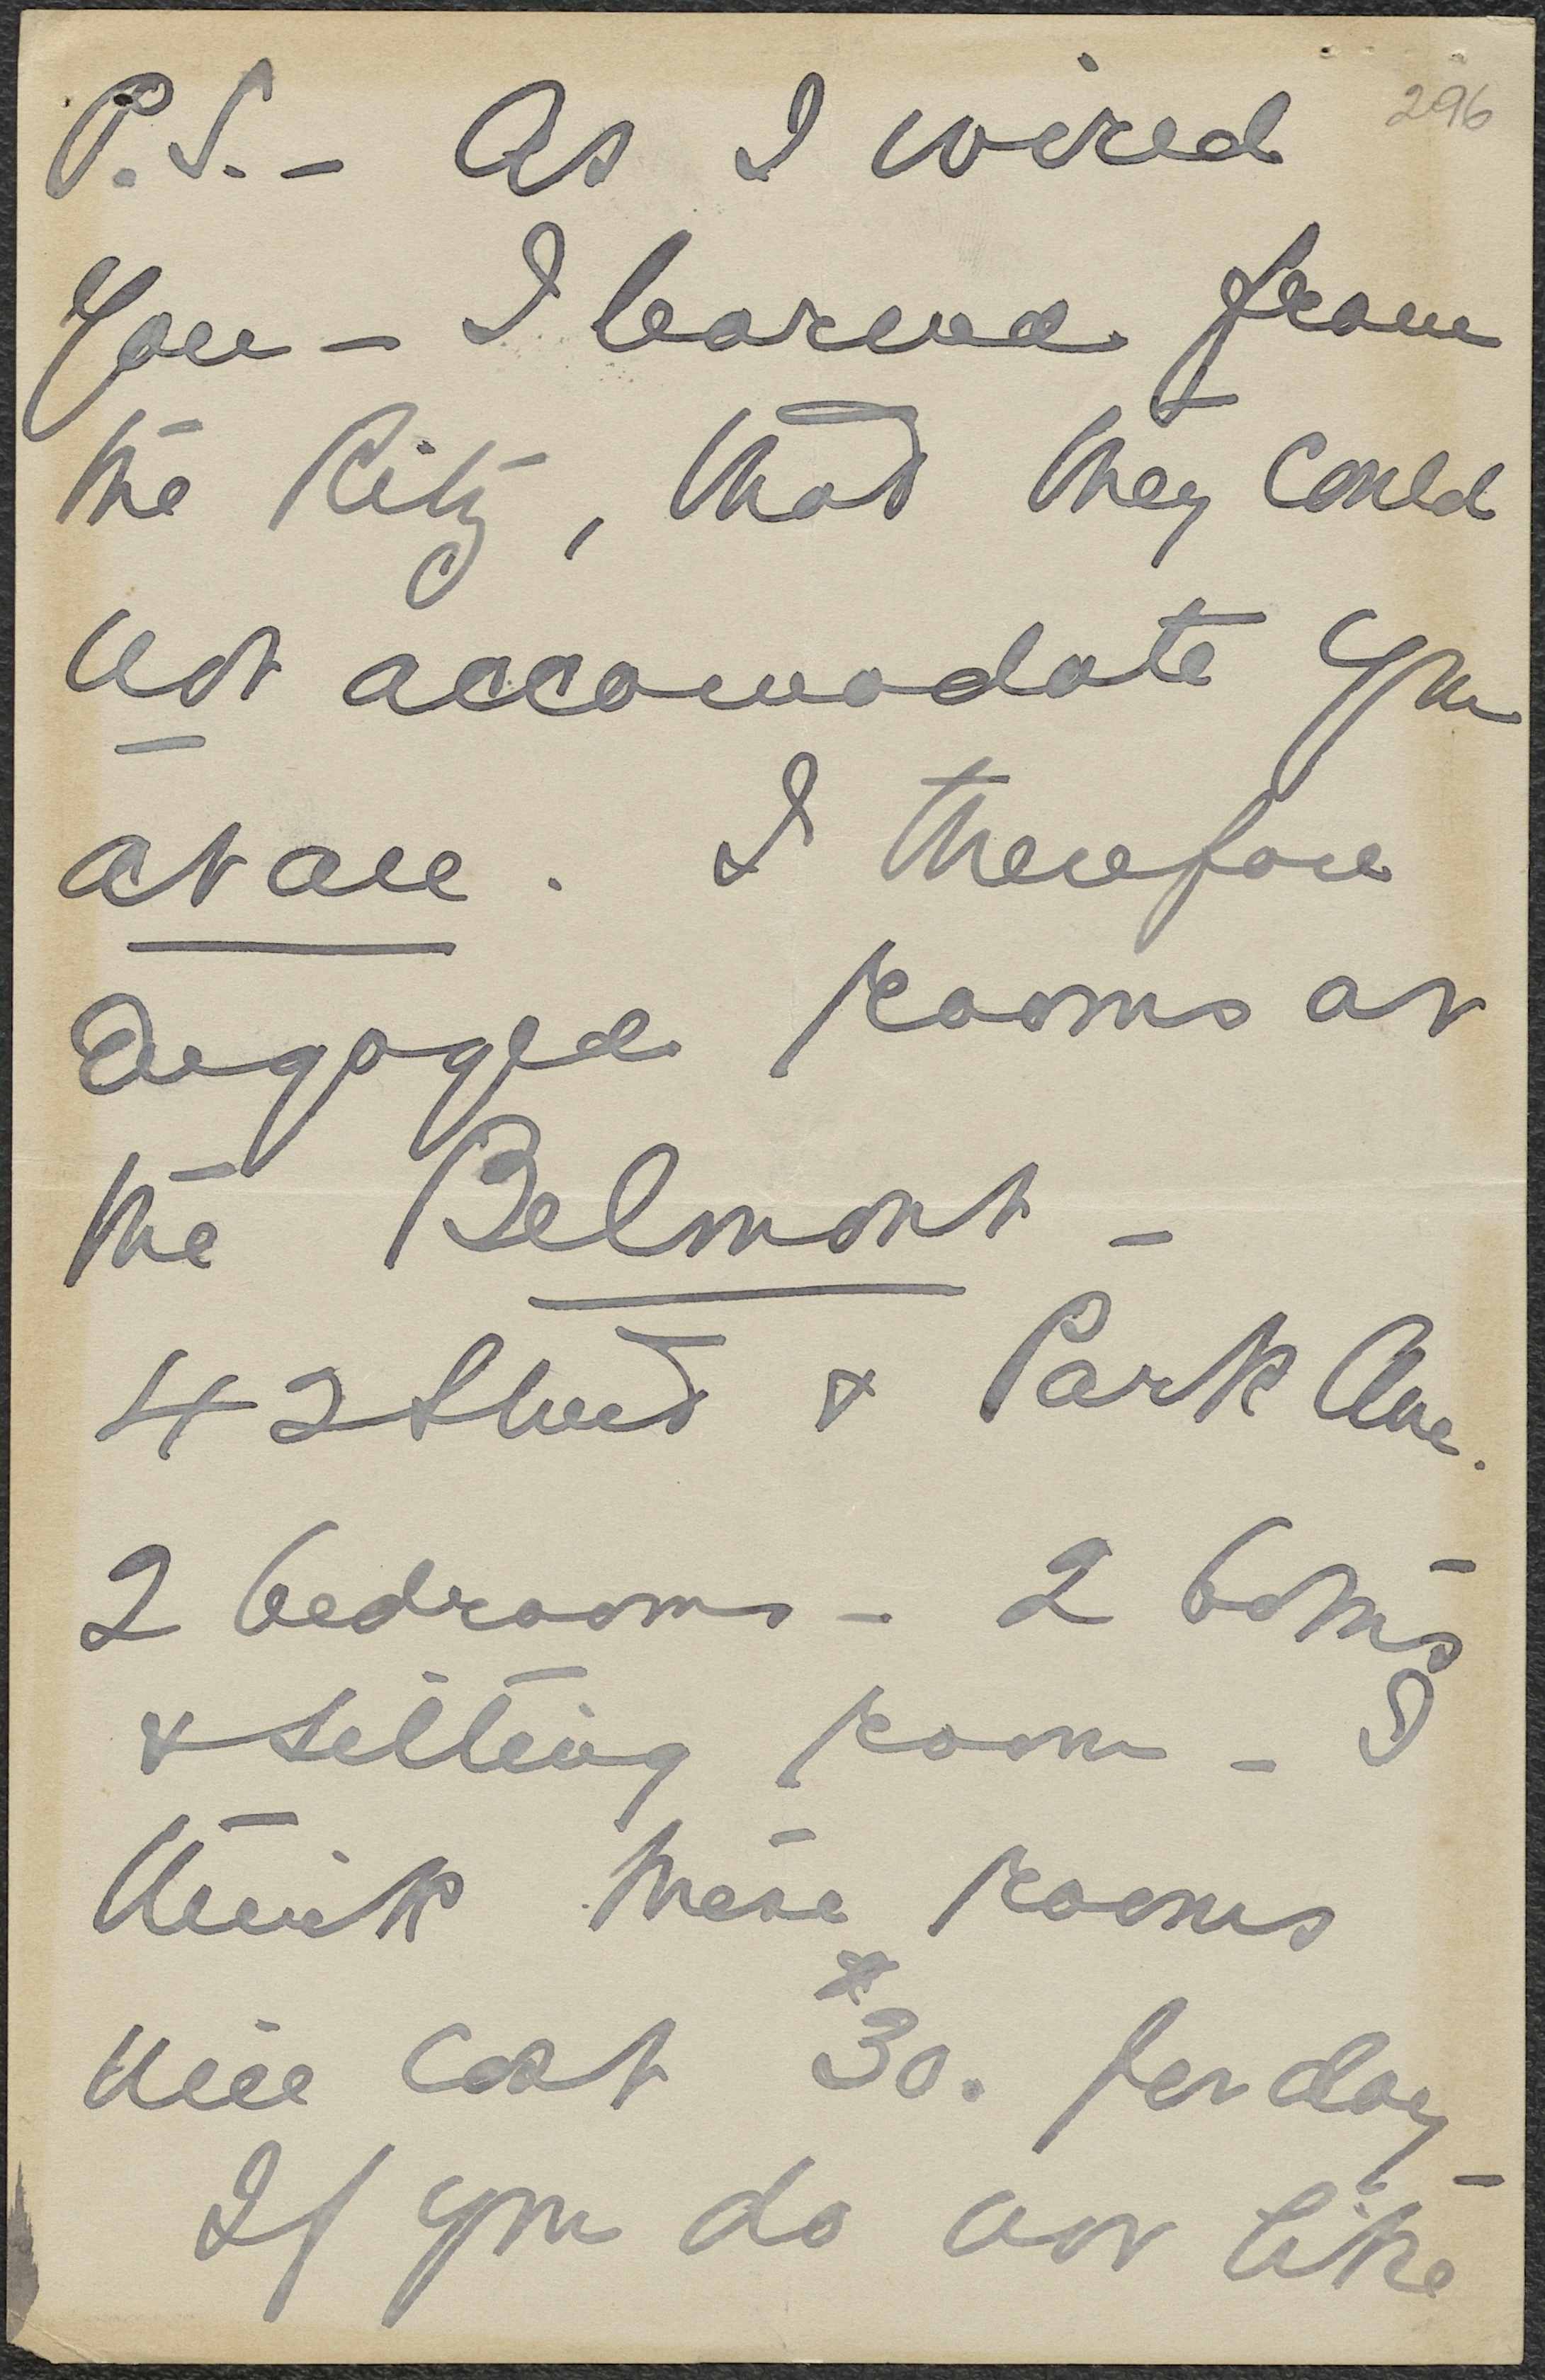P.S. – As I wired you – I learned from the Ritz, that they could not accommodate you at all. I therefore engaged rooms at the Belmont –
42 Street & Park Ave. 2 bedrooms – 2 baths & sitting room – I think these rooms will cost $30 per day
If you do not like